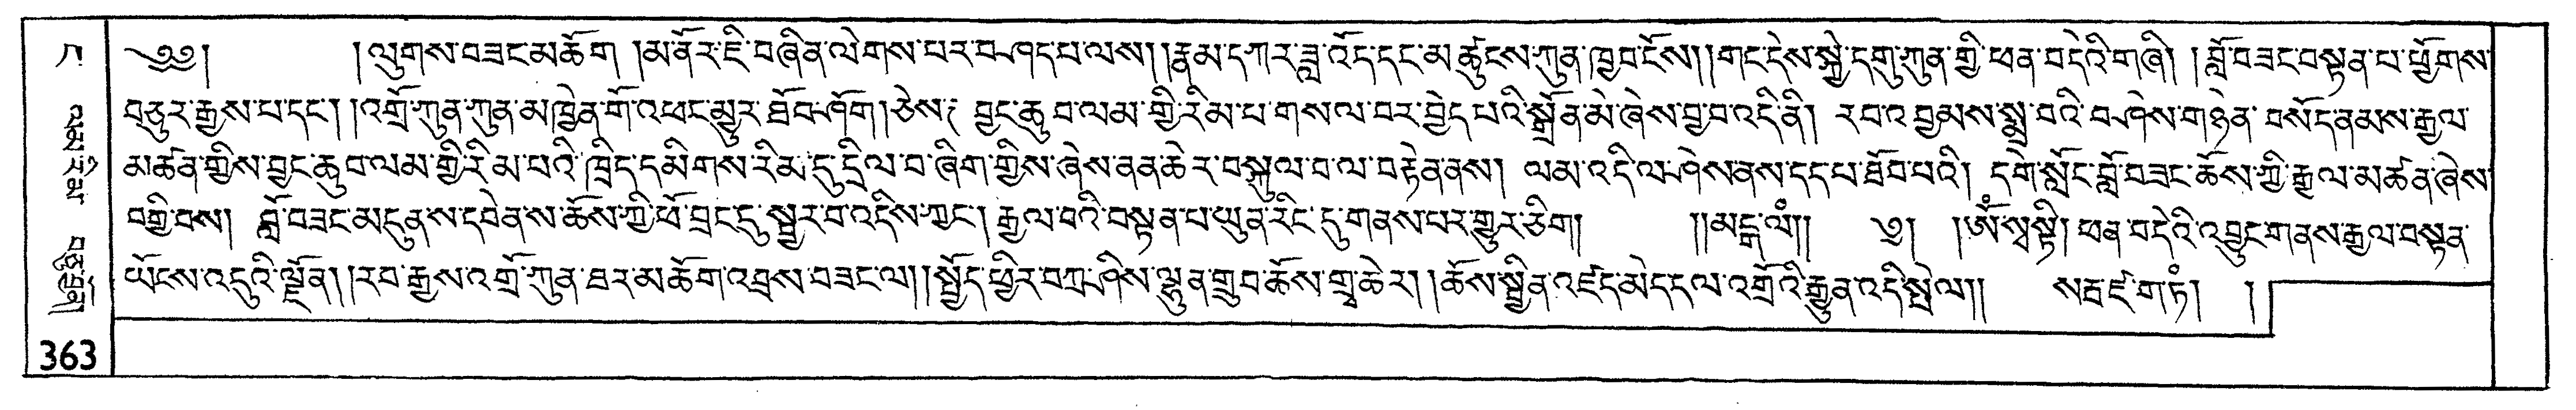༄༅། །ལུགས་བཟང་མཆོག །མ་ནོར་ཇི་བཞིན་ལེགས་པར་བཤད་པ་ལས། །རྣམ་དཀར་ཟླ་འོད་དང་མཚུངས་ཀུན་ཁྱབ་ངོས། །གང་དེས་སྐྱེ་དགུ་ཀུན་གྱི་ཕན་བདེའི་གཞི། །བློ་བཟང་བསྟན་པ་ཕྱོགས་
བཅུར་རྒྱས་པ་དང་། །འགྲོ་ཀུན་ཀུན་མཁྱེན་གོ་འཕང་མྱུར་ཐོབ་ཤོག །ཅེས། བྱང་ཆུབ་ལམ་གྱི་རིམ་པ་གསལ་བར་བྱེད་པའི་སྒྲོན་མེ་ཞེས་བྱ་བ་འདི་ནི། རབ་འབྱམས་སྨྲ་བའི་བཤེས་གཉེན་བསོད་ནམས་རྒྱལ་
མཚན་གྱིས་བྱང་ཆུབ་ལམ་གྱི་རིམ་པའི་ཁྲིད་དམིགས་རིམ་དུ་དྲིལ་བ་ཞིག་གྱིས་ཞེས་ནན་ཆེར་བསྐུལ་བ་ལ་བརྟེན་ནས། ལམ་འདི་ལ་ཤེས་ནས་དད་པ་ཐོབ་པའི། དགེ་སློང་བློ་བཟང་ཆོས་ཀྱི་རྒྱལ་མཚན་ཞེས་
བགྱི་བས། །བློ་བཟང་མདུན་ས་དབེན་ས་ཆོས་ཀྱི་ཕོ་བྲང་དུ་སྦྱར་བ་འདིས་ཀྱང་། རྒྱལ་བའི་བསྟན་པ་ཡུན་རིང་དུ་གནས་པར་གྱུར་ཅིག ། །།མངྒ་ལཾ།། ༄༅། །ཨོཾ་སྭསྟི། ཕན་བདེའི་འབྱུང་གནས་རྒྱལ་བསྟན་
ཡོངས་འདུའི་ལྗོན། །རབ་རྒྱས་འགྲོ་ཀུན་ཐར་མཆོག་འབྲས་བཟང་ལ། །སྤྱོད་ཕྱིར་བཀྲ་ཤིས་ལྷུན་གྲུབ་ཆོས་གྲྭ་ཆེར། །ཆོས་སྦྱིན་འཛད་མེད་དལ་འགྲོའི་རྒྱུན་འདི་སྤེལ།། སརྦ་ཛ་ག་ཏཾ། །